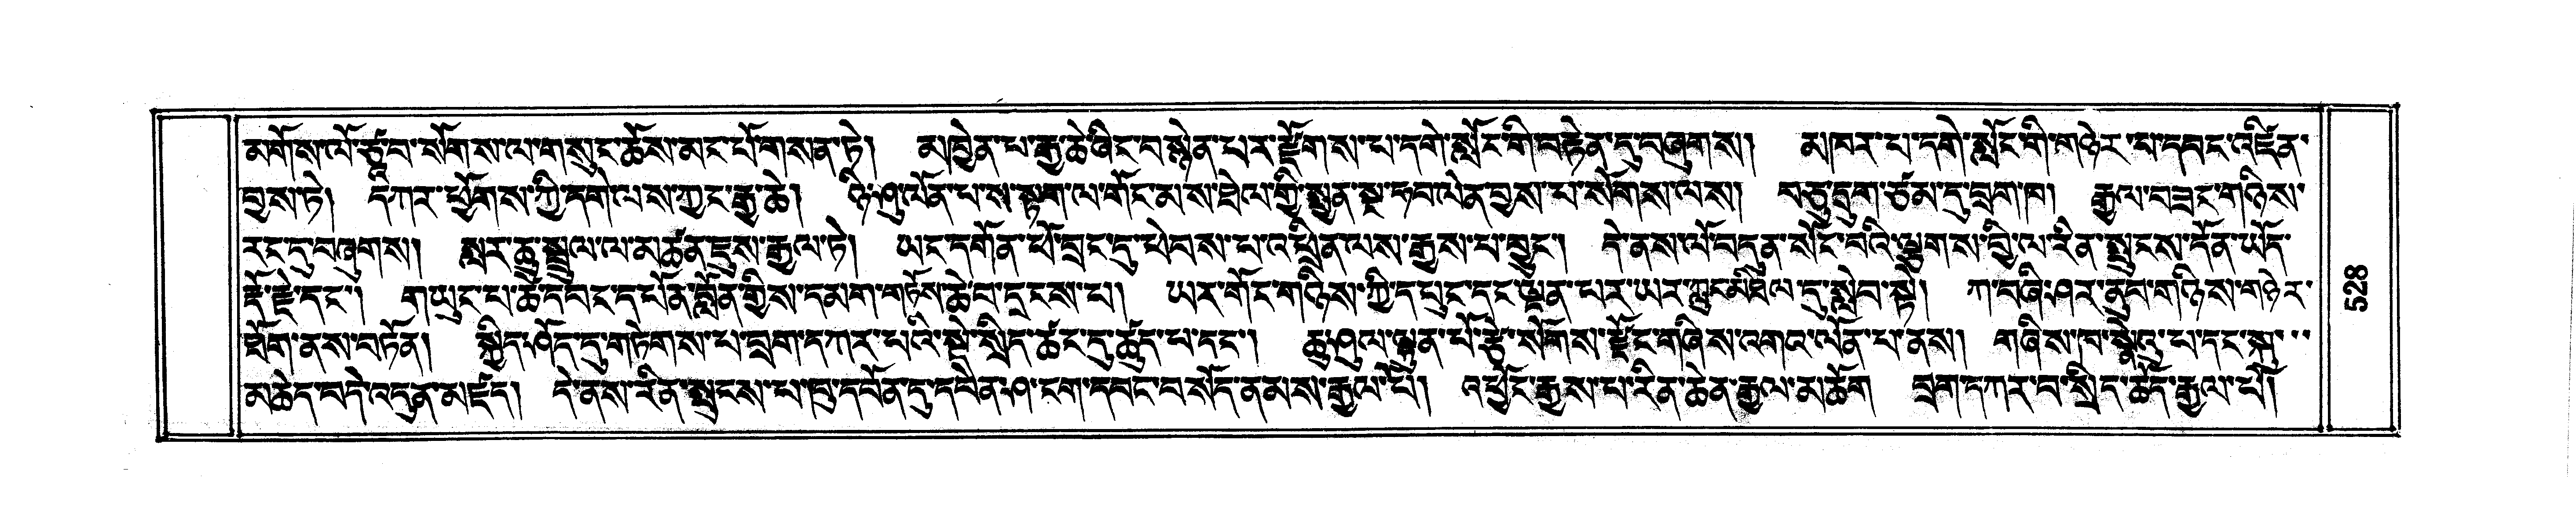མགོས་ལོ་ཙཱ་བ་སོགས་ལ་གསུང་ཆོས་མང་པོ་གསན་ཏེ། མཁྱེན་པ་རྒྱ་ཆེ་ཞིང་བསྙེན་པར་རྫོགས་པ་དགེ་སློང་གི་བརྟེན་དུ་བཞུགས། མཁར་པ་དགེ་སློང་གི་གཉེར་པ་དབང་འཛིན་
བྱས་ཏེ། དཀར་ཕྱོགས་ཀྱི་དགེ་ལས་ཀྱང་རྒྱ་ཆེ། ཉི་ཤུ་ལོན་པ་ས་སྟག་ལ་གོང་མས་ཐེལ་གྱི་སྤྱན་སྔ་ཧབ་ལེན་བྱས་པ་སོགས་ལས། བཅུ་དྲུག་ཙམ་དུ་བྲག་ཁ། རྒྱལ་བཟང་གཉིས་
རང་དུ་བཞུགས། སླར་ཆུ་སྦྲུལ་ལ་མཚན་ཇུས་རྒྱལ་ཏེ། ཡང་དགོན་ཕོ་བྲང་དུ་ཕེབས་པ་འཕྲིན་ལས་རྒྱས་པ་བྱུང་། དེ་ནས་ལོ་བདུན་སོང་བའི་ལྕགས་བྱི་ལ་རིན་སྤུངས་དོན་ཡོད་
རྡོ་རྗེ་དང་། གཡུང་པ་ཚེ་དབང་དཔོན་བློན་གྱིས་དམག་གཏོས་ཆེ་བ་དྲངས་པ། ཡར་གོང་གཉིས་ཀྱི་དཔུང་དང་ལྡན་པར་ཡར་ཀླུང་མཐིལ་དུ་སླེབ་སྟེ། ཀ་བཞི་ཤར་ནུབ་གཉིས་གཉེར་
ཐོག་ནས་བཏོན། སྐྱིད་ཤོད་དུ་གཏེགས་པ་བྲག་དཀར་པའི་སྡེ་སྲིད་ཚང་དུ་ཚུད་པ་དང་། ཆུ་ཤུལ་ལྷུན་པོ་རྩེ་སོགས་རྫོང་གཞིས་འགའ་ལོན་པ་ནས། གཞིས་ཁ་སྣེའུ་པ་དང་སྐུ་
མཆེད་བདེ་འདུན་མཛད། དེ་ནས་རིན་སྤུངས་པ་ཁུ་དབོན་དུ་དབེན་ཤ་ངག་དབང་བསོད་ནམས་རྒྱལ་པོ། འཕྱོང་རྒྱས་པ་རིན་ཆེན་རྒྱལ་མཆོག་བྲག་དཀར་བ་སྲིད་ཆོད་རྒྱལ་པོ།